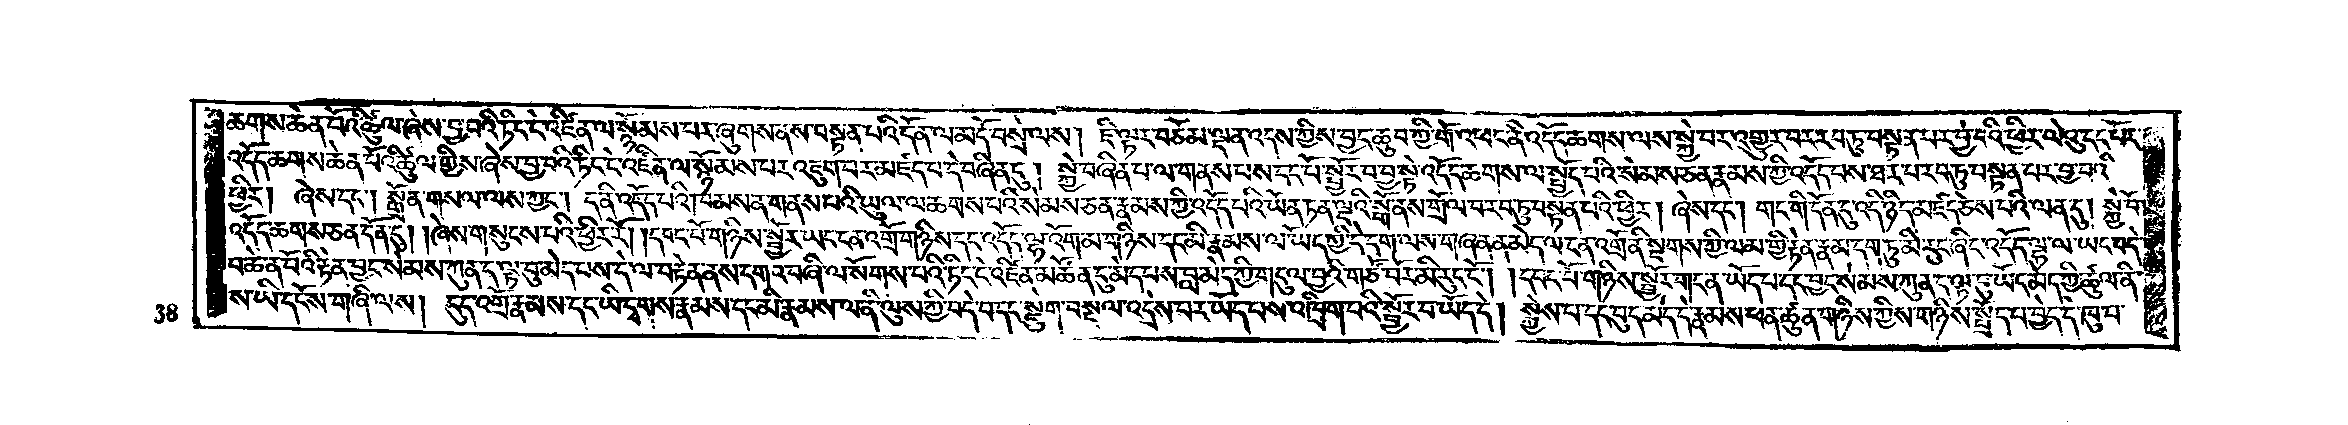ཆགས་ཆེན་པོའི་ཚུལ་ཞེས་བྱ་བའི་ཏིང་ངེ་འཛིན་ལ་སྙོམས་པར་ཞུགས་ནས་བསྟན་པའི་དོན་ལ་མདོ་བསྲེ་ལས། ཇི་ལྟར་བཅོམ་ལྡན་འདས་ཀྱིས་བྱང་ཆུབ་ཀྱི་གོ་འཕང་ནི་འདོད་ཆགས་ལས་སྐྱེ་བར་འགྱུར་བར་རབ་ཏུ་བསྟན་པར་བྱ་བའི་ཕྱིར་ལེའུ་དང་པོར་
འདོད་ཆགས་ཆེན་པོའི་ཚུལ་གྱིས་ཞེས་བྱ་བའི་ཏིང་ངེ་འཛིན་ལ་སྙོམས་པར་འཇུག་པར་མཛད་པ་དེ་བཞིན་དུ། སྐྱེ་བཞིན་པ་ལ་གནས་པས་དང་པོ་སྦྱོར་བ་བྱ་སྟེ་འདོད་ཆགས་ལ་སྤྱོད་པའི་སེམས་ཅན་རྣམས་ཀྱི་འདོད་པས་ཐར་པ་རབ་ཏུ་བསྟན་པར་བྱ་བའི་
ཕྱིར། ཞེས་དང་། སྒྲོན་གསལ་ལས་ཀྱང་། ད་ནི་འདོད་པའི་ཁམས་ན་གནས་པའི་ཡུལ་ལ་ཆགས་པའི་སེམས་ཅན་རྣམས་ཀྱི་འདོད་པའི་ཡོན་ཏན་ལྔའི་སྒོ་ནས་གྲོལ་བ་རབ་ཏུ་བསྟན་པའི་ཕྱིར། ཞེས་དང་། གང་གི་དོན་དུ་འདི་ཉིད་མཛད་ཅེས་པའི་ལན་དུ། སྐྱེ་བོ་
འདོད་ཆགས་ཅན་དོན་དུ། །ཞེས་གསུངས་པའི་ཕྱིར་རོ། །དབང་པོ་གཉིས་སྦྱོར་ཡང་ངན་འགྲོ་གཉིས་དང་འདོད་ལྷ་འོག་མ་གཉིས་དང་མི་རྣམས་ལ་ཡོད་ཀྱི་དེ་དག་ལས་གཞན་ན་མེད་ལ་ངན་འགྲོ་ནི་སྔགས་ཀྱི་ལམ་གྱི་རྟེན་རྣམ་དག་ཏུ་མི་རུང་ཞིང་འདོད་ལྷ་ལ་ཡང་བདེ་
བ་ཆེན་པོའི་རྟེན་བྱང་སེམས་ཀུན་ད་ལྟ་བུ་མེད་པས་དེ་ལ་བརྟེན་ནས་དགའ་བཞི་ལ་སོགས་པའི་ཏིང་ངེ་འཛིན་མཚོན་དུ་མེད་པས་བླ་མེད་ཀྱི་གདུལ་བྱའི་གཙོ་བོར་མི་རུང་ངོ། །དབང་པོ་གཉིས་སྦྱོར་གང་ན་ཡོད་པ་དང་བྱང་སེམས་ཀུན་ད་ལྟ་བུ་ཡོད་མེད་ཀྱི་ཚུལ་ནི་
ས་ཡི་དངོས་གཞི་ལས། དུད་འགྲོ་རྣམས་དང་ཡི་དྭགས་རྣམས་དང་མི་རྣམས་ལ་ནི་ལུས་ཀྱི་བདེ་བ་དང་སྡུག་བསྔལ་འདྲེས་པར་ཡོད་པས་འཁྲིག་པའི་སྦྱོར་བ་ཡོད་དེ། སྐྱེས་པ་དང་བུད་མེད་དེ་རྣམས་ཕན་ཚུན་གཉིས་ཀྱིས་གཉིས་སྤྲོད་པ་བྱེད་དེ་ཁུ་བ་